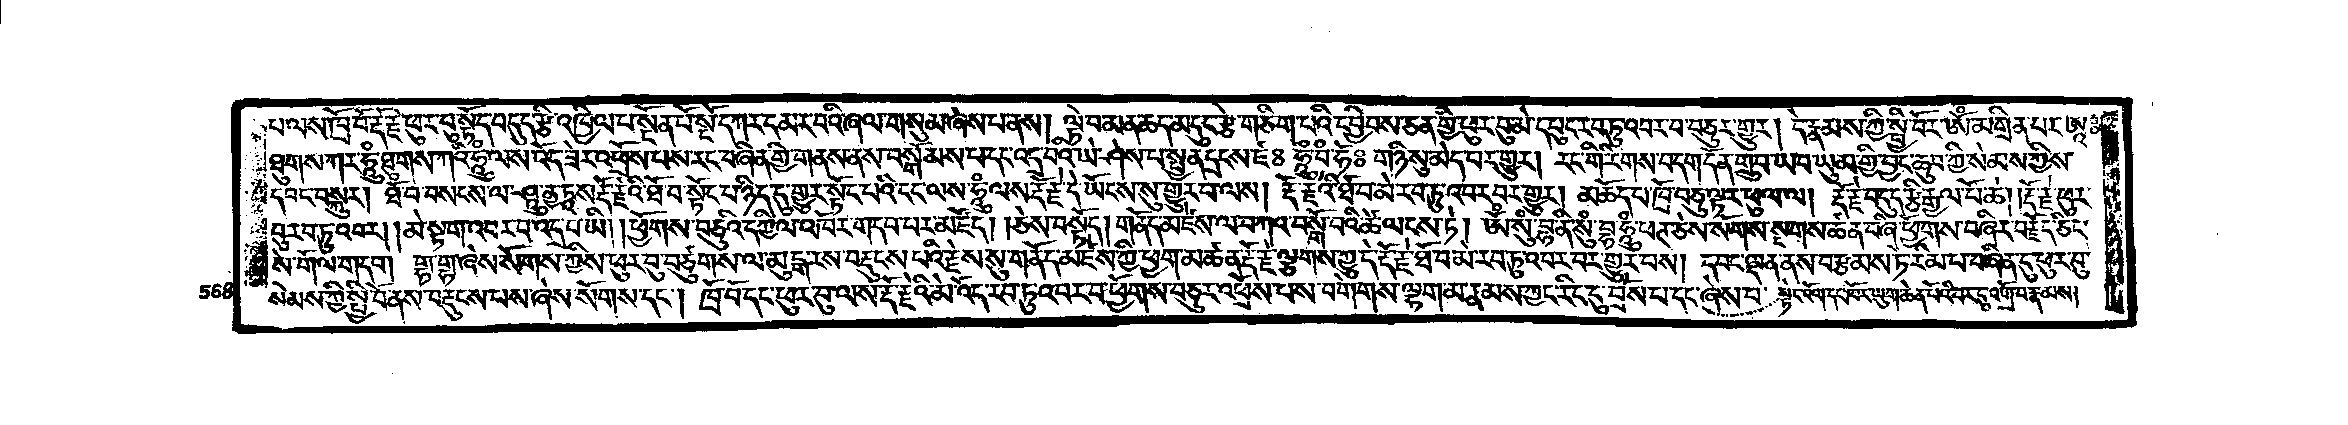པ་ལས་ཁྲོ་བོ་རྡོ་རྗེ་ཕུར་བུ་སྟོད་བདུད་རྩི་འཁྱིལ་པ་སྔོན་པོ་སྔོ་དཀར་དམར་བའི་ཞལ་གསུམ་ཞེས་པ་ནས། ལྟེ་བ་མན་ཆད་མདུང་རྩེ་གཅིག་པའི་དབྱིབས་ཅན་གྱི་ཕུར་བུ་མེ་དཔུང་རབ་ཏུ་འབར་བ་བཅུར་གྱུར། དེ་རྣམས་ཀྱི་སྤྱི་བོར་ཨོཾ་མགྲིན་པར་ཨཱཿ
ཐུགས་ཀར་ཧཱུཾ་ཐུགས་ཀའི་ཧཱུཾ་ལས་འོད་ཟེར་འཕྲོས་པས་རང་བཞིན་གྱི་གནས་ནས་བསྒོམས་པ་དང་འདྲ་བའི་ཡེ་ཤེས་པ་སྤྱན་དྲངས་ཛཿ ཧཱུཾ་བཾ་ཧོཿ གཉིས་སུ་མེད་པར་གྱུར། རང་གི་རིགས་བདག་དོན་གྲུབ་ཡབ་ཡུམ་གྱི་བྱང་ཆུབ་ཀྱི་སེམས་ཀྱིས་
དབང་བསྐུར། ཐོ་བ་བསངས་ལ་ཤཱུ་ནྱ་ཏཱས་རྡོ་རྗེའི་ཐོ་བ་སྟོང་པ་ཉིད་དུ་གྱུར་སྟོང་པའི་ངང་ལས་ཧཱུཾ་ལས་རྡོ་རྗེ་དེ་ཡོངས་སུ་གྱུར་པ་ལས། རྡོ་རྗེའི་ཐོ་བ་མེ་རབ་ཏུ་འབར་བར་གྱུར། མཆོད་པ་ཁྲོ་བཅུ་ལྟར་ཕུལ་ལ། རྡོ་རྗེ་བདུད་རྩི་རྒྱལ་པོ་ཆེ། །རྡོ་རྗེ་ཕུར་
བུ་རབ་ཏུ་འབར། །མེ་སྟག་འབར་བ་འདྲ་བ་ཡི། །ཕྱོགས་བཅུའི་དཀྱིལ་འཁོར་གདབ་པར་མཛོད། །ཅེས་བསྟོད། གནོད་མཛེས་ལ་བཀའ་བསྒོ་བའི་ཚེ་ལངས་ཏེ། ཨོཾ་སུཾ་བྷ་ནི་སུཾ་བྷ་ཧཱུཾ་ཕཊ་ཅེས་སོགས་སྔགས་ཚན་བཞི་ཕྱོགས་བཞིར་བརྗོད་ཅིང་སེ་གོལ་གདབ། གྷ་གྷ་ཞེས་སོགས་ཀྱིས་ཕུར་བུ་བཙུགས་ལ་མུངྒ་རས་བརྡུངས་པའི་རྗེས་སུ་གནོད་མཛེས་ཀྱི་ཕྱག་མཚན་རྡོ་རྗེ་ལྕགས་ཀྱུ་དེ་རྡོ་རྗེ་ཐོ་བ་མེ་རབ་ཏུ་འབར་བར་གྱུར་པས། དབང་ལྡན་ནས་བརྩམས་ཏེ་རིམ་པ་བཞིན་དུ་ཕུར་བུ་
རྣམས་ཀྱི་སྤྱི་བོ་ནས་བརྡུངས་པས་ཞེས་སོགས་དང་། ཁྲོ་བོ་དང་ཕུར་བུ་ལས་རྡོ་རྗེའི་མེ་འོད་རབ་ཏུ་འབར་བ་ཕྱོགས་བཅུར་འཕྲོས་པས་བགེགས་ལྷག་མ་རྣམས་ཀྱང་རིང་དུ་བྲོས་པ་དང་ཞེས་པ་སྟེང་འོག་དང་ཁོར་ཡུག་ཆེན་པོའི་བར་དུ་འགྲོ་བ་རྣམས།